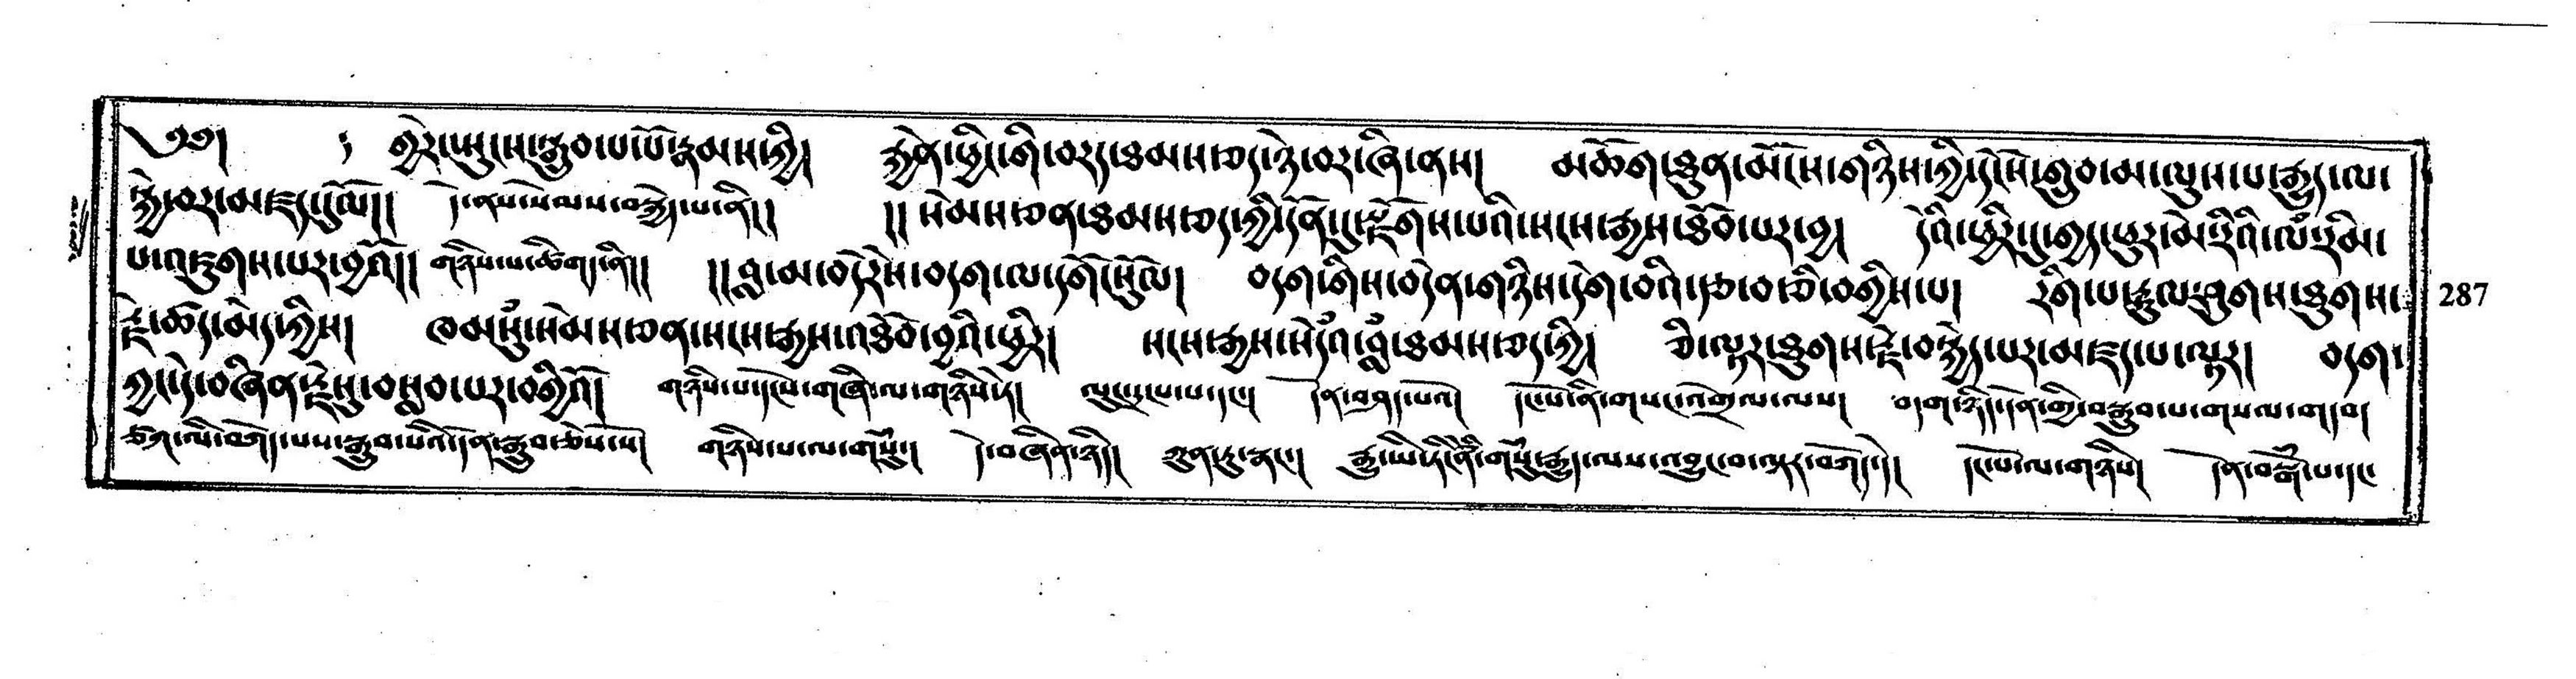གྱེར་སྤུངས་སྒྲུབ་པ་པོ་རྣམས་ཀྱི། རྐྱེན་ཕྱི་ནང་གི་བར་ཆད་ཐམས་ཅད་ཉེ་བར་ཞི་ནས། མཆོག་ཐུན་མོངས་གཉིས་ཀྱི་དངོས་གྲུབ་མ་ལུས་པ་རྒྱུད་ལ་
སྐྱེ་བར་མཛད་དུ་གསོལ།། དེ་ནས་སེམས་བསྐྱེད་པ་ནི།། །།སེམས་ཅན་ཐམས་ཅད་ཀྱི་དོན་དུ་རྫོགས་པའི་སངས་རྒྱས་ཐོབ་པར་བྱ། དེའི་ཕྱིར་དུ་གྱད་ཕུར་མེ་རིའི་ལམ་རིམ་
པ་འཇུག་པར་བྱའོ།།གཉིས་པ་ཚིག་བཤད་ནི། །།བླ་མ་བདེར་གཤེགས་བདག་ལ་དགོངས་སུ་གསོལ། བདག་གིས་བདེན་གཉིས་དགེ་བའི་རྩ་བ་ཅི་བགྱིས་པ། རིག་པ་རྡུལ་ཤུགས་ཐུགས་
རྗེ་ཚད་མེད་ཀྱིས། ཁམས་གསུམ་སེམས་ཅན་སངས་རྒྱས་འཐོབ་བྱའི་ཕྱིར། སངས་རྒྱས་སེམས་དཔའ་བླ་མ་ཐམས་ཅད་ཀྱི། ཅི་ལྟར་ཐུགས་རྗེ་བསྐྱེད་པར་མཛད་པ་ལྟར། བདག་
ཀྱང་དེ་བཞིན་རྗེས་སུ་བསླབ་པར་བགྱིའོ། གཉིས་པ་དངོས་གཞི་ལ་གཉིས་ཏེ། ལུང་དྲངས་པ་དང་། དོན་བཤད་པའོ། དང་པོ་ནི་གསང་འགྲེལ་ལས། བདག་ཉིད་དོན་གྱི་བསྒྲུབ་པ་གསལ་གདབ། 
ཙཀ་ལི་བཀོད་པས་སྒྲུབ་པའི་དོན་སྒྲུབ་ཅེས་སོ། གཉིས་པ་ལ་གསུམ། དེ་བཞིན་ཉིད། ཀུན་ཏུ་སྣང་། རྒྱུ་ཡི་ཏིང་ངེ་འཛིན་གསུམ་རྒྱུད་ལས་འབྱུང་བ་ལྟར་བཀོད་དེ། དང་པོ་ལ་གཉིས། དོན་བསྒོམ་པ་དང་